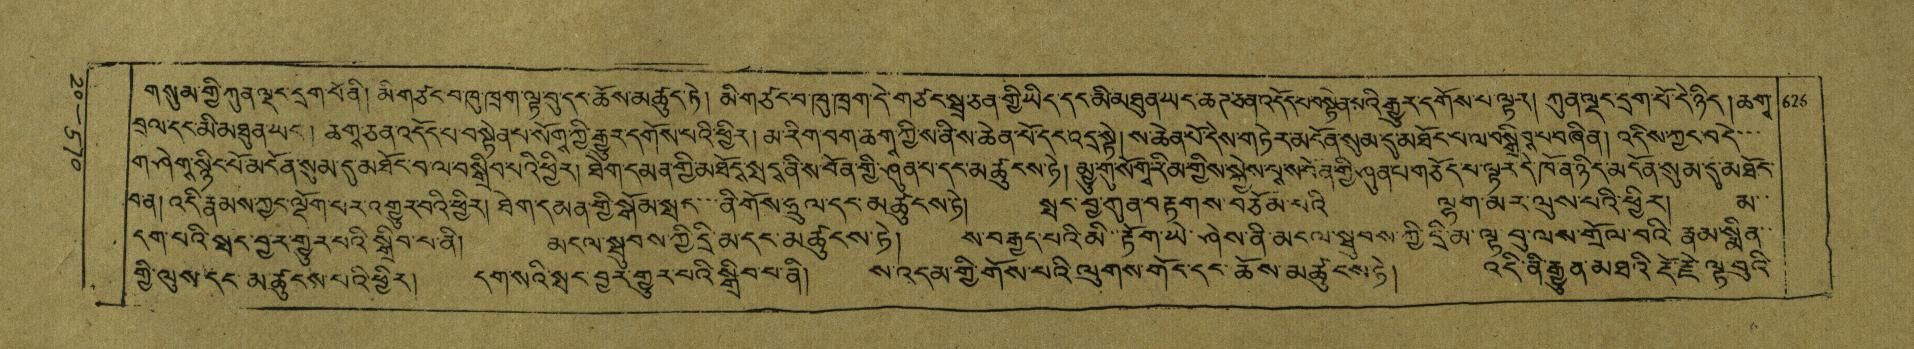གསུམ་གྱི་ཀུན་ལྡང་དྲག་པོ་ནི། མི་གཙང་བ་ཁུ་ཁྲག་ལྟ་བུ་དང་ཆོས་མཚུང་ཏེ། མི་གཙང་བ་ཁུ་ཁྲག་དེ་གཙང་སྦྲ་ཅན་གྱི་ཡིད་དང་མི་མཐུན་ཡང་ཆཌ་ཅན་འདོད་པ་བསྟེན་པའི་རྒྱུར་དགོས་པ་ལྟར། ཀུན་ལྡང་དྲག་པོ་དེ་ཉིད། ཆགས་
བྲལ་དང་མི་མཐུན་ཡང་། ཆགས་ཅན་འདོད་པ་བསྟེན་པ་སོགས་ཀྱི་རྒྱུར་དགོས་པའི་ཕྱིར། མ་རིག་བག་ཆགས་ཀྱི་ས་ནི་ས་ཆེན་པོ་དང་འདྲ་སྟེ། ས་ཆེན་པོ་དེས་གཏེར་མངོན་སུམ་དུ་མཐོང་པ་ལ་བསྒྲིབས་པ་བཞིན། འདིས་ཀྱང་བདེ་
གཤེགས་སྙིང་པོ་མངོན་སུམ་དུ་མཐོང་བ་ལ་བསྒྲིབ་པའི་ཕྱིར། ཐེག་དམན་གྱི་མཐོངས་སྤངས་ནི་ས་བོན་གྱི་ཤུན་པ་དང་མཚུངས་ཏེ། མྱུ་གུ་སོགས་རིམ་གྱིས་སྐྱེས་པས་ས་བོན་གྱི་ཤུན་པ་གཅོད་པ་ལྟར་དེ་ཁོ་ན་ཉིད་མངོན་སུམ་དུ་མཐོང་
བ་ན། འདི་རྣམས་ཀྱང་ལྡོག་པར་འགྱུར་བའི་ཕྱིར། ཐེག་དམན་གྱི་སྒོམ་སྤང་ནི་གོས་ཧྲུལ་དང་མཚུངས་ཏེ། སྤང་བྱ་ཀུན་བརྟགས་བཅོམ་པའི་ལྷག་མར་ལུས་པའི་ཕྱིར། མ་
དག་པའི་སྤང་བྱར་གྱུར་པའི་སྒྲིབ་པ་ནི། མངལ་སྦུབས་ཀྱི་དྲི་མ་དང་མཚུངས་ཏེ། ས་བརྒྱད་པའི་མི་རྟོག་ཡེ་ཤེས་ནི་མངལ་སྦུབས་ཀྱི་དྲི་མ་ལྟ་བུ་ལས་གྲོལ་བའི་རྣམ་སྨིན་
གྱི་ལུས་དང་མཚུངས་པའི་ཕྱིར། དག་སའི་སྤང་བྱར་གྱུར་པའི་སྒྲིབ་པ་ནི། ས་འདམ་གྱི་གོས་པའི་ལུགས་གོང་དང་ཆོས་མཚུངས་ཏེ། འདི་ནི་རྒྱུན་མཐའི་རྡོ་རྗེ་ལྟ་བུའི་